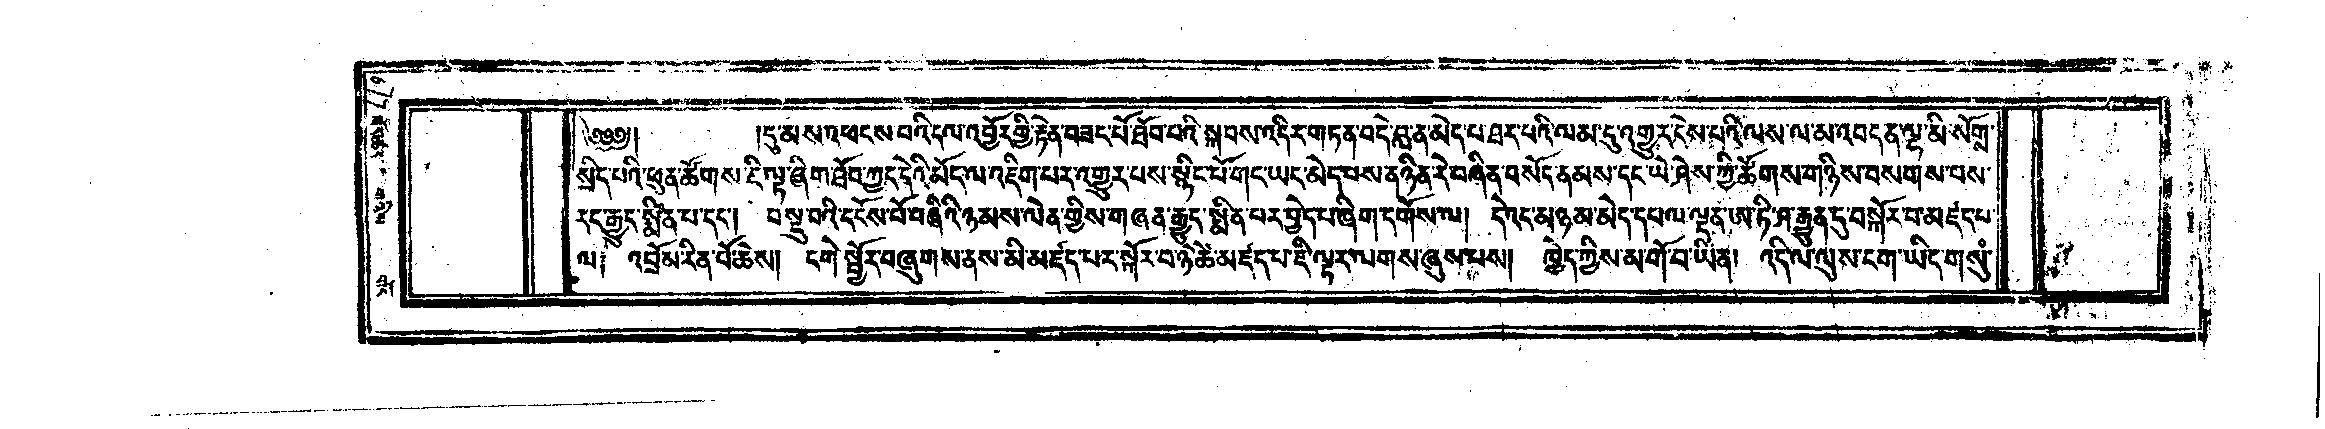༄༅༅། །དུ་མས་འཕངས་པའི་དལ་འབྱོར་གྱི་རྟེན་བཟང་པོ་ཐོབ་པའི་སྐབས་འདིར་གཏན་བདེ་བླ་ན་མེད་པ་ཐར་པའི་ལམ་དུ་འགྱུར་ངེས་པའི་ལས་ལ་མ་འབད་ན་ལྷ་མི་སོགས་
སྲིད་པའི་ཕུན་ཚོགས་ཇི་ལྟ་ཞིག་ཐོབ་ཀྱང་དེའི་མོད་ལ་འཇིག་པར་འགྱུར་པས་སྙིང་པོ་གང་ཡང་མེད་པས་ན་ཉིན་རེ་བཞིན་བསོད་ནམས་དང་ཡེ་ཤེས་ཀྱི་ཚོགས་གཉིས་བསགས་པས་
རང་རྒྱུད་སྨིན་པ་དང་། བསྡུ་བའི་དངོས་པོ་བཞིའི་ཉམས་ལེན་གྱིས་གཞན་རྒྱུད་སྨིན་པར་བྱེད་པ་ཞིག་དགོས་ལ། དེའང་མཉམ་མེད་དཔལ་ལྡན་ཨ་ཏི་ཤ་རྒྱུན་དུ་བསྐོར་བ་མཛད་པ་
ལ༑ འབྲོམ་རིན་པོ་ཆེས། དགེ་སྦྱོར་བཞུགས་ནས་མི་མཛད་པར་སྐོར་བ་ཉེ་ཚེ་མཛད་པ་ཇི་ལྟར་ལགས་ཞུས་པས། ཁྱེད་ཀྱིས་མ་གོ་བ་ཡིན། འདི་ལ་ལུས་ངག་ཡིད་གསུཾ་